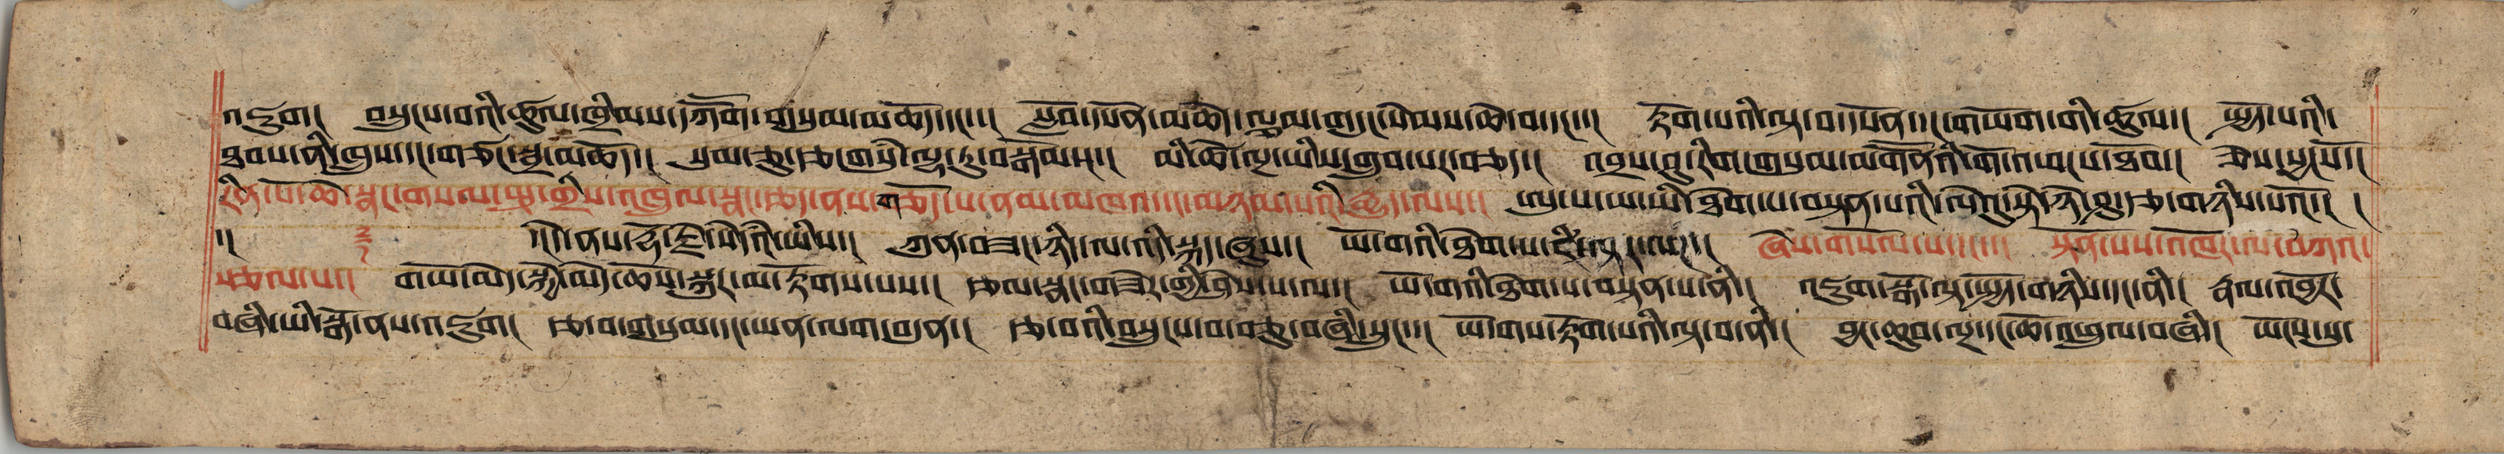འཇུག། བསྲུངས་བའི་ཚུལ་ཁྲིམས་དཀཽག་གསུམ་མཆོད་དང་་། སློབ་དཔོན་མཆེད་ལྕམ་གདུང་སེམས་ཆེ་བ་དང་་། རྟོག་པའི་ལྟ་བ་དཔོན་དང་གཡོག་གི་ཚུལ་། སྤྱོད་པའི་
ཐབས་ནི་ཁྲུས་དང་གཙང་སྦྲ་མཆོད་། སུམ་ཅུ་རྩ་གསུཾ་ལྷ་རུ་བསྒོམས་། མི་ཚེ་ལྔ་ཡིས་གྲུབ་པར་བཅད་། འབྲས་བུ་རིག་གསུམ་མགཽནའི་གོ་འཕངས་ཐོབ་། ཅེས་སྱངསོ་།
རིན་པོ་ཆེ་སྣང་གསལ་སྤུ་གྲིས་འཁྲུལ་སྣང་རྩད་ནས་གཅོད་པ་ནམ་མཁའ་དང་མཉམ་པའི་རྒྱུད་ལས་། ཨུ་པ་ཡ་ཡི་ཐེག་པ་བསྟན་པའི་ལེའུ་སྟེ་ཉེ་ཤུ་རྩ་གཉིས་པའོ་།
་། ༈ ་།དེ་ནས་རྡོ་རྗེ་སེདཾའ་ཡིས་། ཀུན་བཟང་ཉིད་ལ་འདི་སྐད་ཞུས་། ཡོ་གའི་ཐེག་པ་ཇི་ལྟར་ལཌ་། ཞེས་གསོལ་པ་དང་་། སྟོན་པས་འཁོར་ལ་བཀའ་
སྩལ་པ་། གཡོ་མེད་སྐྱེ་མེད་ཆོས་སྐུར་མ་རྟོགས་པས་། རྩལ་སྣང་གཟེར་གྱི་ཤེས་པ་ལ་། ཡོ་གའི་ཐེག་པ་བསྟན་པ་ནི་། འཇུག་སྒོ་ལྟ་སྤྱོད་གཉིས་དང་ནི་། རྣལ་འབྱོར་
བཞི་ཡི་སྒོ་ནས་འཇུག། རྩ་བ་གསུམ་དང་ཡན་ལག་བདུན་། རྩ་བའི་བསྲུངས་བ་བཅུ་བཞི་སྲུང་་། ཡོ་གས་རྟོག་པའི་ལྟ་བ་ནི་། བྱང་ཆུབ་ལྔ་དང་ཆོ་འཕྲུལ་བཞི་། ཡོངས་སུ་